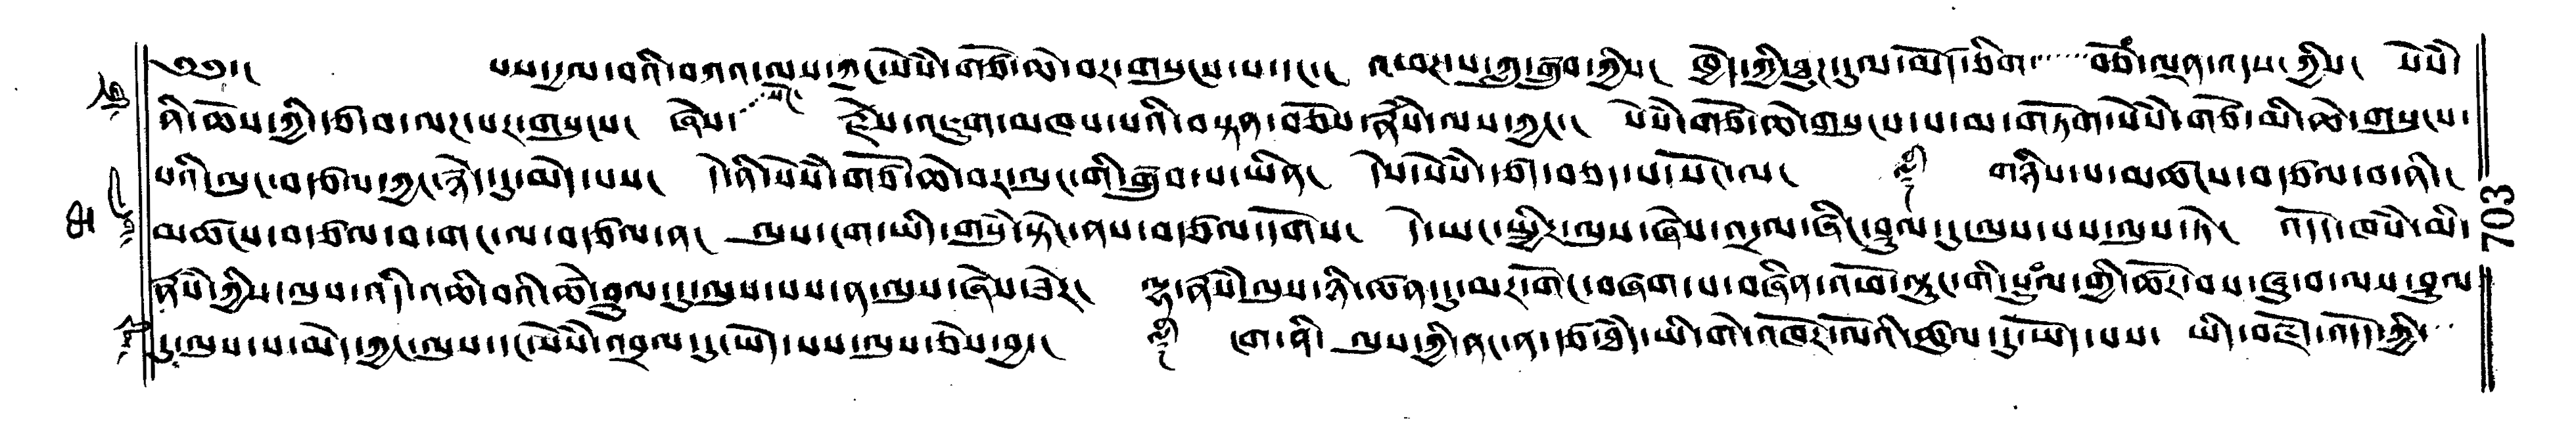པས་རྒྱལ་བའི་བཀའ་ལས་ཀྱང་སེམས་གཙོ་ཆེ་བར་གསུངས་པ་དང་། འཕགས་པ་ཀླུ་སྒྲུབ་ཀྱིས། ཁྱོད་ཀྱི་ཐུགས་དུལ་མཛོད་ཅིག་བཅོམ་ལྡན་གྱིས། །སེམས་
ནི་ཆོས་ཀྱི་རྩ་བ་ལགས་པར་གསུངས། ཞེས་སོགས་རྗེས་འཇུག་འཁས་པའི་བསྟན་བཅོས་རྣམས་ལས་ཀྱང་། སེམས་གཙོ་ཆེ་གསུངས་པ་མ་གཏོགས་སེམས་གཙོ་མི་ཆེ་གསུངས་
པའི་ལུང་བཙལ་ཀྱང་སྙེད་དུ་མེད་པས། དེ་ནི་སེམས་གཙོ་ཆེ་བར་ལུང་གིས་སྒྲུབ་པ་ཡིན། དེས་སེམས་རྩད་བཅད་པ་སོང་ལ། ༈ གཉིས་པ་མཚང་བཙལ་བ་ནི། 
མཚངས་བཙལ་བ་གང་ལ་བཙལ་ན། ལུས་ངག་ཡིད་གསུམ་སྟེང་ནས་བཙལ་དགོས། དེ་ཡང་སྤྱིར་ལུས་ཞེས་འབྲལ་ཞིང་ཤུལ་དུ་ལུས་པས་ལུས་ཏེ། འདོད་ཁམས་མི་
རྣམས་ཀྱིས་ལུས་འདི་འཆི་བའི་ཚེ་ཤུལ་དུ་ལུས་པས་ན་ལུས་ཞེས་ཟེར། ལྷ་རྣམས་ལུས་ཉི་ཚན་དུ་མར་གོང་བཞག་པ་བཞིན་འཕོ་ལྟུང་གི་སྡུག་བསྔལ་གྱི་ཚོར་བས་ཞུ་བ་ལས་ཤུལ་
དུ་ལུས་པ་མེད་ཀྱང་ལུས་དང་སེམས་འབྲལ་དུ་ཡོད་པས་ལུས་ཅེས་བྱ། ༈ ངག་ནི་ལུས་ཀྱི་ནང་ན་རྩ་ཐམས་ཅད་ཡི་གེ་འཁོར་ལོའི་ཚུལ་དུ་ཡོད་པས་ཡིད་བརྗོད་འདོད་ཀྱི་